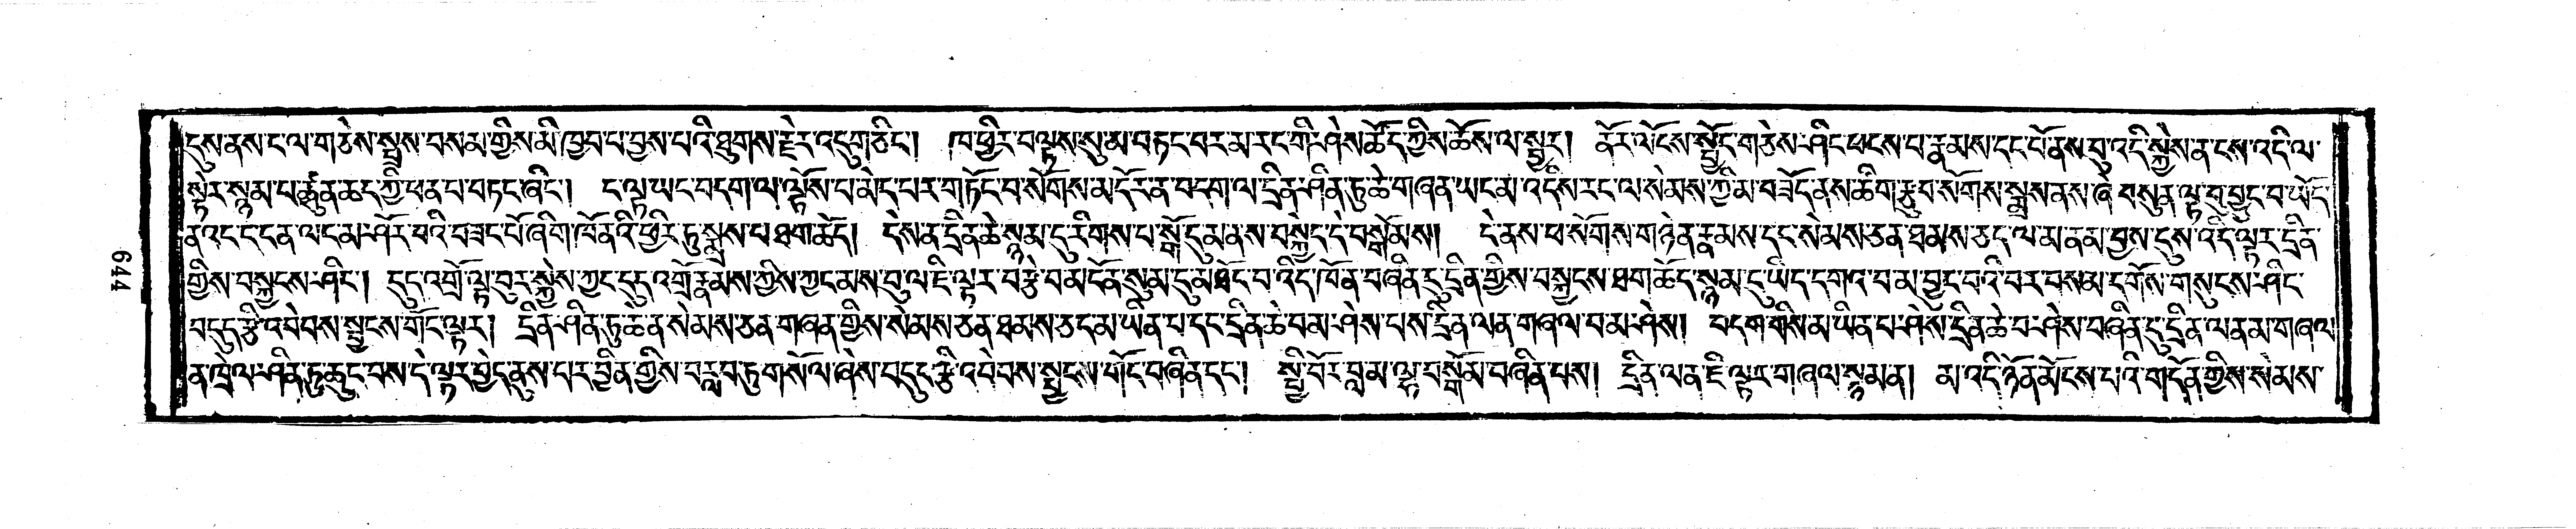དུས་ནས་ང་ལ་གཅེས་སྤྲས་བསམ་གྱིས་མི་ཁྱབ་པ་བྱས་པའི་ཐུགས་རྗེར་འདུག་ཅིང་། ཁ་ཕྱིར་བལྟས་སུ་མ་བཏང་བར་མ་རང་གི་ཤེས་ཚོད་ཀྱིས་ཆོས་ལ་སྦྱར། ནོར་ལོངས་སྤྱོད་གཅེས་ཤིང་ཕངས་པ་རྣམས་དང་པོ་ནས་བུ་འདི་སྐྱེས་ན་ངས་འདི་ལ་
སྟེར་སྙམ་པ་ཚུན་ཆད་ཀྱི་ཕན་པ་བཏང་ཞིང་། ང་ལྟ་ཡང་བདག་ལ་ལྟོས་པ་མེད་པར་གཏོང་བ་སོགས་མདོར་ན་བདག་ལ་དྲིན་ཤིན་ཏུ་ཆེ་གཞན་ཡང་མ་འདིས་རང་ལ་སེམས་ཀྱི་མ་བཟོད་ནས་ཚིག་རྩུབ་སོགས་སྨྲས་ནས་ཞེ་བསུན་ལྟ་བུ་བྱུང་བ་ཡོད་
ནའང་ང་ངན་ལང་མ་ཤོར་བའི་བཟང་པོ་ཞིག་ཁོ་ནའི་ཕྱིར་ཏུ་སྨྲས་པ་ཐག་ཆོད། དེས་ན་དྲིན་ཆེ་སྙམ་དུ་རིགས་པ་སྒོ་དུ་མ་ནས་བསྐྱེད་དེ་བསྒོམས། དེ་ནས་ཕ་སོགས་གཉེན་རྣམས་དང་སེམས་ཅན་ཐམས་ཅད་ལ་མ་ནམ་བྱས་དུས་འདི་ལྟར་དྲིན་
གྱིས་བསྐྱངས་ཤིང་། དུད་འགྲོ་ལྟ་བུར་སྐྱེས་ཀྱང་དུད་འགྲོ་རྣམས་ཀྱིས་ཀྱང་མས་བུ་ལ་ཇི་ལྟར་བརྩེ་བ་མངོན་སུམ་དུ་མཐོང་བ་འདི་ཁོ་ན་བཞིན་དུ་དྲིན་གྱིས་བསྐྱངས་ཐག་ཆོད་སྙམ་དུ་ཡིད་དགའ་བ་མ་བྱུང་བའི་བར་བསམ་དགོས་གསུངས་ཤིང་
བདུད་རྩི་འབེབས་སྦྱངས་གོང་ལྟར། དྲིན་ཤིན་ཏུ་ཆེ་ན་སེམས་ཅན་གཞན་གྱིས་སེམས་ཅན་ཐམས་ཅད་མ་ཡིན་པ་དང་དྲིན་ཆེ་བ་མ་ཤེས་པས་དྲིན་ལན་གཞལ་བ་མ་ཤེས། བདག་གིས་མ་ཡིན་པ་ཤེས་དྲིན་ཆེ་བ་ཤེས་བཞིན་དུ་དྲིན་ལན་མ་གཞལ་
ན་ཁྲེལ་ཤིན་ཏུ་ཆུང་བས་དེ་ལྟར་བྱེད་ནུས་པར་བྱིན་གྱིས་བརླབ་ཏུ་གསོལ་ཞེས་བདུད་རྩི་འབེབས་སྤྱངས་གོང་བཞིན་དང་། སྤྱི་བོར་བླ་མ་ལྷ་བསྒོམ་བཞིན་པས། དྲིན་ལན་ཇི་ལྟར་གཞལ་སྙམ་ན། མ་འདི་ཉོན་མོངས་པའི་གདོན་གྱིས་སེམས་